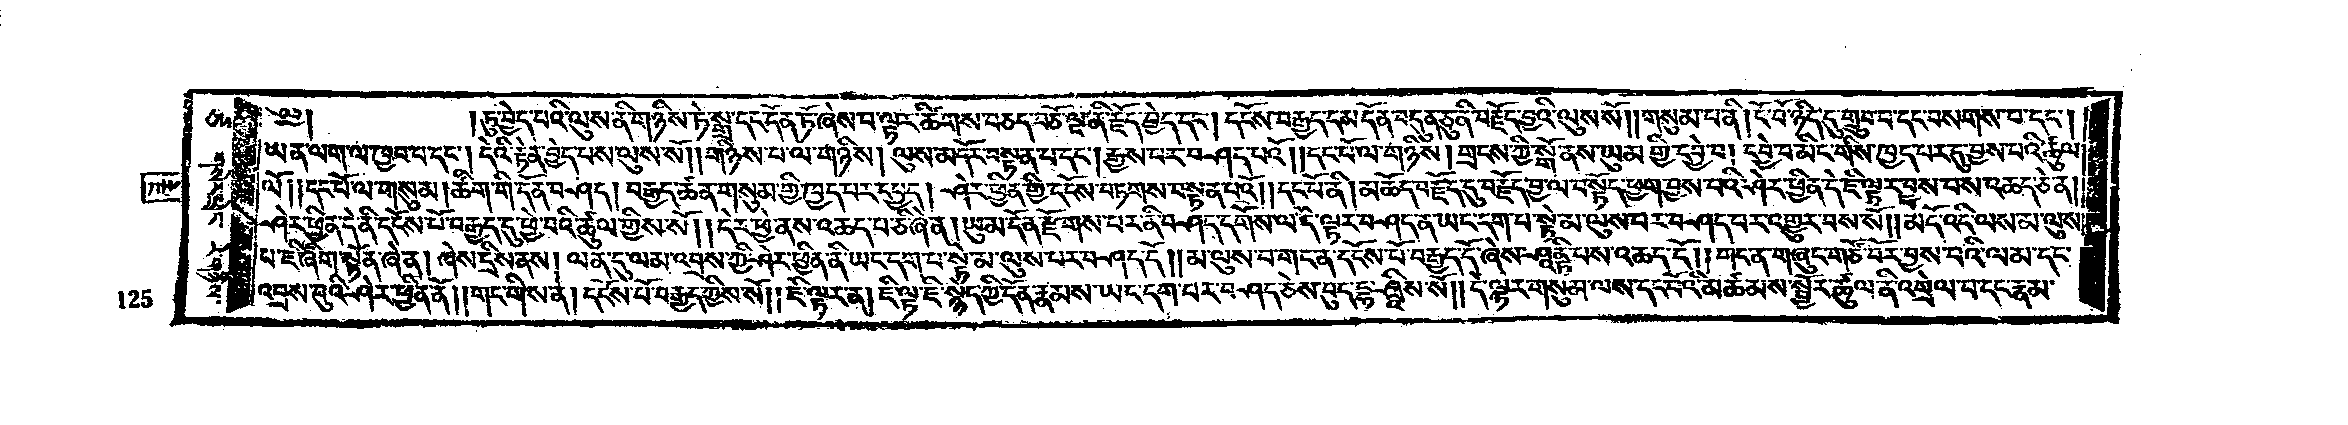༄༅། །ཏུ་བྱེད་པའི་ལུས་ནི་གཉིས་ཏེ་སྒྲ་དང་དོན་ཏོ་ཞེས་པ་ལྟར་ཚིགས་བཅད་བཅོ་ལྔ་ནི་རྗོད་བྱེད་དང་། དངོས་བརྒྱད་དམ་དོན་བདུན་ཅུ་ནི་བརྗོད་བྱའི་ལུས་སོ། །གསུམ་པ་ནི། ངོ་བོ་ཉིད་དུ་གྲུབ་པ་དང་བསགས་པ་དང་།
ཡན་ལག་ལ་ཁྱབ་པ་དང་། དེའི་རྟེན་བྱེད་པས་ལུས་སོ། །གཉིས་པ་ལ་གཉིས། ལུས་མདོར་བསྟན་པ་དང་། རྒྱས་པར་བཤད་པའོ། །དང་པོ་ལ་གཉིས། གྲངས་ཀྱི་སྒོ་ནས་ཡུམ་གྱི་དབྱེ་བ། དབྱེ་བ་མིང་གིས་ཁྱད་པར་དུ་བྱས་པའི་ཚུལ་
ལོ། །དང་པོ་ལ་གསུམ། ཚིག་གི་དོན་བཤད། བརྒྱད་ཚན་གསུམ་གྱི་ཁྱད་པར་དཔྱད། ཤེར་ཕྱིན་གྱི་དངོས་བཏགས་བསྟན་པའོ། །དང་པོ་ནི། མཆོད་བརྗོད་དུ་བརྗོད་བྱ་ལ་བསྟོད་ཕྱག་བྱས་པའི་ཤེར་ཕྱིན་དེ་ཇི་ལྟར་བྱས་པས་འཆད་ཅེ་ན།
ཤེར་ཕྱིན་དེ་ནི་དངོས་པོ་བརྒྱད་དུ་ཕྱེ་བའི་ཚུལ་གྱིས་སོ། །དེར་ཕྱེ་ནས་འཆད་པ་ཅི་ཞེ་ན། ཡུམ་དོན་རྫོགས་པར་ནི་བཤད་དགོས་ལ་དེ་ལྟར་བཤད་ན་ཡང་དག་པ་སྟེ་མ་ལུས་པར་བཤད་པར་འགྱུར་བས་སོ། །མདོ་འདི་ལས་མ་ལུས་
པ་ཇི་ཞིག་སྟོན་ཞེ་ན། ཞེས་དྲིས་ནས། ལན་དུ་ལམ་འབྲས་ཀྱི་ཤེར་ཕྱིན་ནི་ཡང་དག་པ་སྟེ་མ་ལུས་པར་བཤད་དོ། །མ་ལུས་པ་གང་ན་དངོས་པོ་བརྒྱད་དོ་ཞེས་ཤཱནྟི་པས་འཆད་དོ། །གང་ན་གཞུང་གཙོ་བོར་བྱས་པའི་ལམ་དང་
འབྲས་བུའི་ཤེར་ཕྱིན་ནོ། །གང་གིས་ན། དངོས་པོ་བརྒྱད་ཀྱིས་སོ། །ཇི་ལྟར་ན། ཇི་ལྟ་ཇི་སྙེད་ཀྱི་དོན་རྣམས་ཡང་དག་པར་བཤད་ཅེས་བུད་དྷ་ཤྲཱིས་སོ། །དེ་ལྟར་གསུམ་ལས་དང་པོའི་མཚམས་སྦྱོར་ཚུལ་ནི་འགྲེལ་པ་དང་རྣམ་